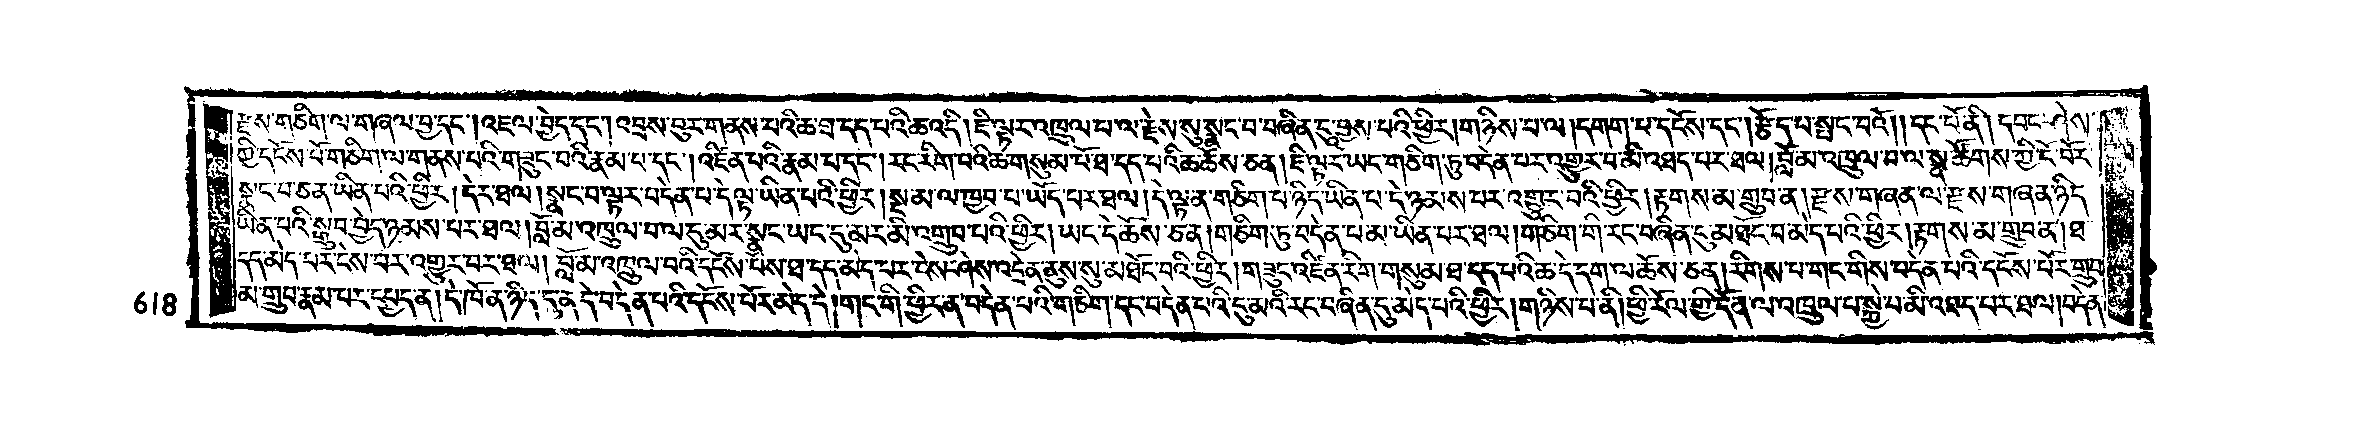རྫས་གཅིག་ལ་གཞལ་བྱ་དང་། འཇལ་བྱེད་དང་། འབྲས་བུར་གནས་པའི་ཆ་ཐ་དད་པའི་ཆ་འདི། ཇི་ལྟར་འཁྲུལ་པ་ལ་རྗེས་སུ་སྣང་བ་བཞིན་དུ་བྱས་པའི་ཕྱིར། གཉིས་པ་ལ། དགག་པ་དངོས་དང་། རྩོད་པ་སྤང་བའོ། །དང་པོ་ནི། དབང་ཤེས་
ཀྱི་དངོས་པོ་གཅིག་ལ་གནས་པའི་གཟུང་བའི་རྣམ་པ་དང་། འཛིན་པའི་རྣམ་པ་དང་། རང་རིག་པའི་ཆ་གསུམ་པོ་ཐ་དད་པའི་ཆ་ཆོས་ཅན། ཇི་ལྟར་ཡང་གཅིག་ཏུ་བདེན་པར་འགྱུར་བ་མི་འཐད་པར་ཐལ། བློ་མ་འཁྲུལ་བ་ལ་སྣ་ཚོགས་ཀྱི་ངོ་བོར་
སྣང་བ་ཅན་ཡིན་པའི་ཕྱིར། དེར་ཐལ། སྣང་བ་ལྟར་བདེན་པ་དེ་ལྟ་ཡིན་པའི་ཕྱིར། སྔ་མ་ལ་ཁྱབ་པ་ཡོད་པར་ཐལ། དེ་ལྟ་ན་གཅིག་པ་ཉིད་ཡིན་པ་དེ་ཉམས་པར་འགྱུར་བའི་ཕྱིར། རྟགས་མ་གྲུབ་ན། རྫས་གཞན་ལ་རྫས་གཞན་ཉིད་
ཡིན་པའི་སྒྲུབ་བྱེད་ཉམས་པར་ཐལ། བློ་མ་འཁྲུལ་བ་ལ་དུ་མར་སྣང་ཡང་དུ་མར་མི་འགྲུབ་པའི་ཕྱིར། ཡང་དེ་ཆོས་ཅན། གཅིག་ཏུ་བདེན་པ་མ་ཡིན་པར་ཐལ། གཅིག་གི་རང་བཞིན་དུ་མཐོང་བ་མེད་པའི་ཕྱིར། རྟགས་མ་གྲུབ་ན། ཐ་
དད་མེད་པར་ངེས་པར་འགྱུར་བར་ཐལ། བློ་མ་འཁྲུལ་བའི་དངོས་པོས་ཐ་དད་མེད་པར་ངེས་ཤེས་འདྲེན་ནུས་སུ་མཐོང་བའི་ཕྱིར། གཟུང་འཛིན་རིག་གསུམ་ཐ་དད་པའི་ཆ་དེ་དག་ལ་ཆོས་ཅན། རིགས་པ་གང་གིས་བདེན་པའི་དངོས་པོར་གྲུབ་
མ་གྲུབ་རྣམ་པར་དཔྱད་ན། དེ་ཁོ་ན་ཉིད་དུ་ན་དེ་བདེན་པའི་དངོས་པོར་མེད་དེ། གང་གི་ཕྱིར་ན་བདེན་པའི་གཅིག་དང་བདེན་པའི་དུ་མའི་རང་བཞིན་དུ་མེད་པའི་ཕྱིར། གཉིས་པ་ནི། ཕྱི་རོལ་གྱི་དོན་ལ་འཁྲུལ་པ་སྐྱེ་བ་མི་འཐད་པར་ཐལ། བདེན་